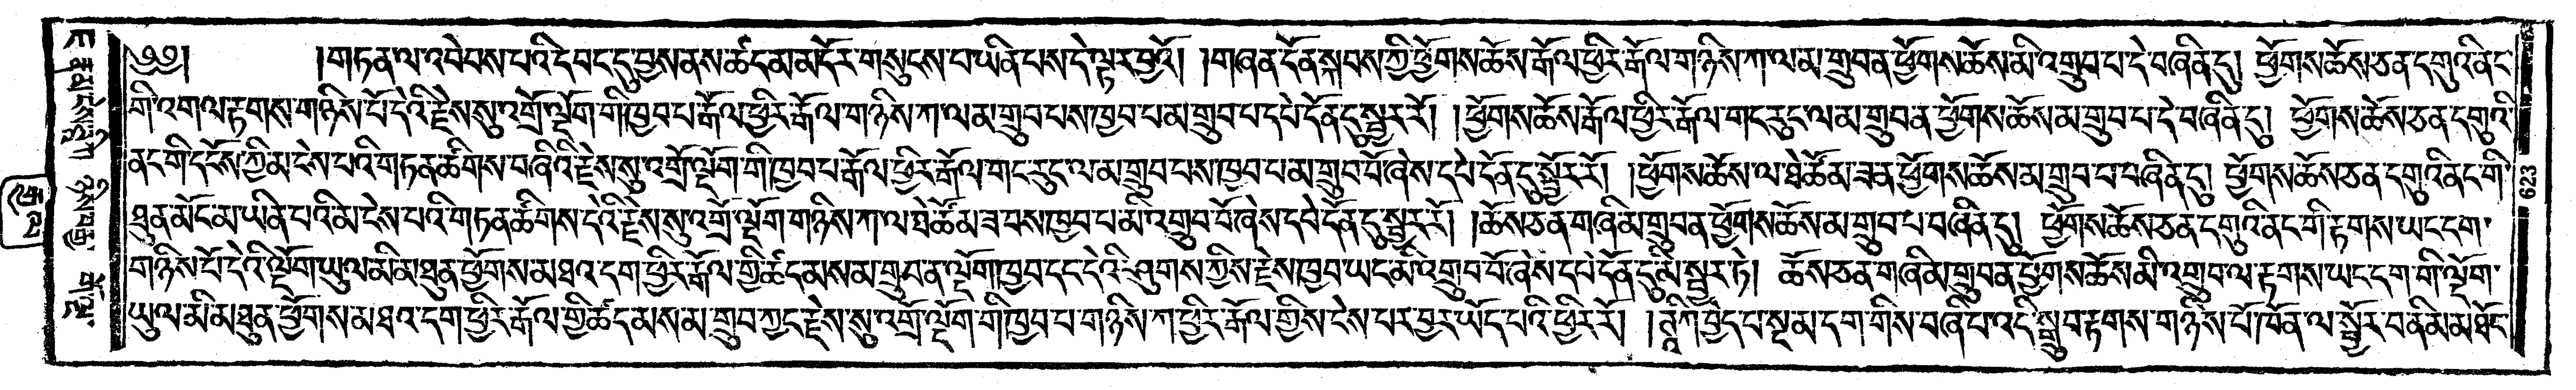༄༅། །གཏན་ལ་འབེབས་པའི་དབང་དུ་བྱས་ནས་ཚད་མ་མདོར་གསུངས་པ་ཡིན་པས་དེ་ལྟར་བྱའོ། །གཞན་དོན་སྐབས་ཀྱི་ཕྱོགས་ཆོས་རྒོལ་ཕྱིར་རྒོལ་གཉིས་ཀ་ལ་མ་གྲུབ་ན་ཕྱོགས་ཆོས་མི་འགྲུབ་པ་དེ་བཞིན་དུ། ཕྱོགས་ཆོས་ཅན་དགུའི་ནང་
གི་འགལ་རྟགས་གཉིས་པོ་དེའི་རྗེས་སུ་འགྲོ་ལྡོག་གི་ཁྱབ་པ་རྒོལ་ཕྱིར་རྒོལ་གཉིས་ཀ་ལ་མ་གྲུབ་པས་ཁྱབ་པ་མ་གྲུབ་པ་དཔེ་དོན་དུ་སྦྱར་རོ། །ཕྱོགས་ཆོས་རྒོལ་ཕྱིར་རྒོལ་གང་རུང་ལ་མ་གྲུབ་ན་ཕྱོགས་ཆོས་མ་གྲུབ་པ་དེ་བཞིན་དུ། ཕྱོགས་ཆོས་ཅན་དགུའི་
ནང་གི་དངོས་ཀྱི་མ་ངེས་པའི་གཏན་ཚིགས་བཞིའི་རྗེས་སུ་འགྲོ་ལྡོག་གི་ཁྱབ་པ་རྒོལ་ཕྱིར་རྒོལ་གང་རུང་ལ་མ་གྲུབ་པས་ཁྱབ་པ་མ་གྲུབ་བོ་ཞེས་དཔེ་དོན་དུ་སྦྱོར་རོ། །ཕྱོགས་ཆོས་ལ་ཐེ་ཚོམ་ཟ་ན་ཕྱོགས་ཆོས་མ་གྲུབ་པ་བཞིན་དུ། ཕྱོགས་ཆོས་ཅན་དགུའི་ནང་གི་
ཐུན་མོང་མ་ཡིན་པའི་མ་ངེས་པའི་གཏན་ཚིགས་དེའི་རྗེས་སུ་འགྲོ་ལྡོག་གཉིས་ཀ་ལ་ཐེ་ཚོམ་ཟ་བས་ཁྱབ་པ་མི་འགྲུབ་བོ་ཞེས་དཔེ་དོན་དུ་སྦྱར་རོ། །ཆོས་ཅན་གཞི་མ་གྲུབ་ན་ཕྱོགས་ཆོས་མ་གྲུབ་པ་བཞིན་དུ། ཕྱོགས་ཆོས་ཅན་དགུའི་ནང་གི་རྟགས་ཡང་དག་
གཉིས་པོ་དེའི་ལྡོག་ཡུལ་མི་མཐུན་ཕྱོགས་མཐའ་དག་ཕྱིར་རྒོལ་གྱི་ཚད་མས་མ་གྲུབ་ན་ལྡོག་ཁྱབ་དང་དེའི་ཤུགས་ཀྱིས་རྗེས་ཁྱབ་ཡང་མི་འགྲུབ་བོ་ཞེས་དཔེ་དོན་དུ་མི་སྦྱར་ཏེ། ཆོས་ཅན་གཞི་མ་གྲུབ་ན་ཕྱོགས་ཆོས་མི་འགྲུབ་ལ་རྟགས་ཡང་དག་གི་ལྡོག་
ཡུལ་མི་མཐུན་ཕྱོགས་མཐའ་དག་ཕྱིར་རྒོལ་གྱི་ཚད་མས་མ་གྲུབ་ཀྱང་རྗེས་སུ་འགྲོ་ལྡོག་གི་ཁྱབ་པ་གཉིས་ཀ་ཕྱིར་རྒོལ་གྱིས་ངེས་པར་བྱར་ཡོད་པའི་ཕྱིར་རོ། །ཊཱིཀ་བྱེད་པ་སྔ་མ་དག་གིས་བཞི་པ་འདི་སྒྲུབ་རྟགས་གཉིས་པོ་ཁོ་ན་ལ་སྦྱོར་བ་ནི་མ་མཐོང་